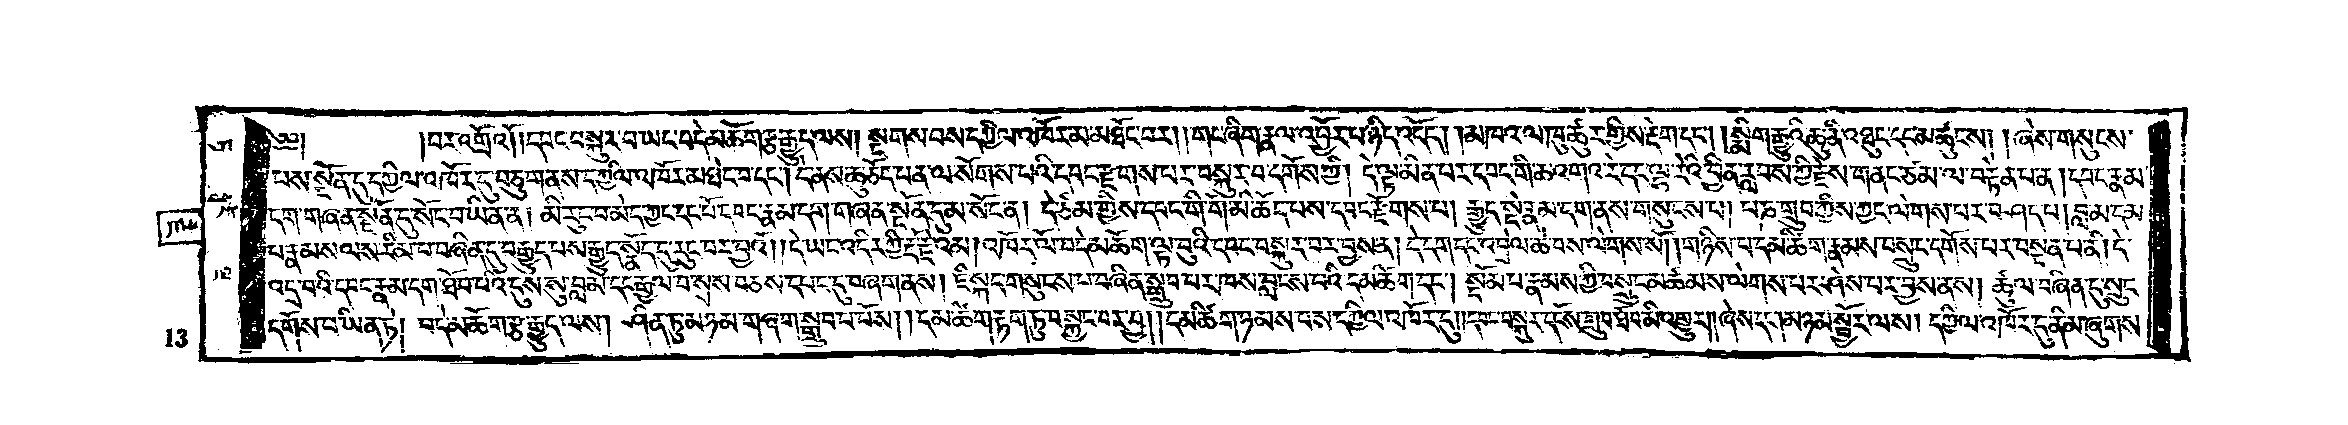༄༅། །བར་འགྲོའོ། །དབང་བསྐུར་པ་ཡང་བདེ་མཆོག་རྩ་རྒྱུད་ལས། སྔགས་པས་དཀྱིལ་འཁོར་མ་མཐོང་བར། །གང་ཞིག་རྣལ་འབྱོར་བ་ཉིད་འདོད། །མཁའ་ལ་ཁུ་ཚུར་གྱིས་རྡེག་དང་། །སྨིག་རྒྱུའི་ཆུ་ནི་འཐུང་དང་མཚུངས། །ཞེས་གསུངས་
པས་སྔོན་དུ་དཀྱིལ་འཁོར་དུ་བཅུག་ནས་དཀྱིལ་འཁོར་མཐེང་བ་དང་། དེ་ནས་ཆུ་ཅོད་པན་ལ་སོགས་པའི་དབང་རྫོགས་པར་བསྐུར་བ་དགོས་ཀྱི། དེ་ལྟ་མིན་པར་དབང་གི་ཆ་འགའ་རེ་དང་ལྷ་རེའི་བྱིན་རླབས་ཀྱི་རྗེས་གནང་ཙམ་ལ་བརྟེན་པ་ནི། དབང་རྣམ་
དག་གཞན་སྔོན་དུ་སོང་བ་ཡིན་ནོ། མི་རུང་བ་མེད་ཀྱང་དང་པོ་དབང་རྣམ་དག་གཞན་སྔོན་དུ་མ་སོང་ན། དེ་ཙམ་གྱིས་དབང་གི་གོ་མི་ཆོད་པས་དབང་རྫོགས་པ། རྒྱུད་སྡེ་རྣམ་དག་ནས་གསུངས་པ། པཎ་གྲུབ་ཀྱིས་ཀྱང་ལེགས་པར་བཤད་པ། བླ་མ་དམ་
པ་རྣམས་ལས་རིམ་པ་བཞིན་དུ་བརྒྱུད་སྣོད་དུ་རུང་བར་བྱའོ། །དེ་ཡང་འདིར་ཀྱེ་རྡོ་རྗེ་འམ། འཁོར་ལོ་བདེ་མཆོག་ལྟ་བུའི་མཚམས་ལེགས་པར་ཤེས་པར་བྱས་ནས། ཚུལ་བཞིན་དུ་སྲུང་དགོས་།གཉིས་པ་དམ་ཚིག་རྣམས་བསྲུང་དགོས་པར་བསྟན་པ་ནི། དེ་
འདྲ་བའི་དབང་རྣམ་དག་ཐོབ་པའི་དུས་སུ་བླ་མ་དང་རྒྱལ་བ་སྲས་བཅས་དབང་དུ་བཞག་ནས། ཇི་སྐད་གསུངས་པ་བཞིན་སྒྲུབ་པར་ཁས་བླངས་པའི་དམ་ཚིག་དང་། སྡོམ་པ་རྣམས་ཀྱི་བསྲུང་མཚམས་ལེགས་པར་ཤེས་པར་བྱས་ནས། ཚུལ་བཞིན་དུ་སྲུང་
དགོས་པ་ཡིན་ཏེ། བདེ་མཆོག་རྩ་རྒྱུད་ལས། ཤིན་ཏུ་མཉམ་གཞག་སྒྲུབ་པ་པོས། །དམ་ཚིག་རྟག་ཏུ་བསྐྱང་བར་བྱ། །དམ་ཚིག་ཉམས་པས་དཀྱིལ་འཁོར་དུ། །དབང་བསྐུར་དངོས་གྲུབ་ཐོབ་མི་འགྱུར། །ཞེས་དང་། མཉམ་སྦྱོར་ལས། དཀྱིལ་འཁོར་དུ་ནི་མ་ཞུགས་